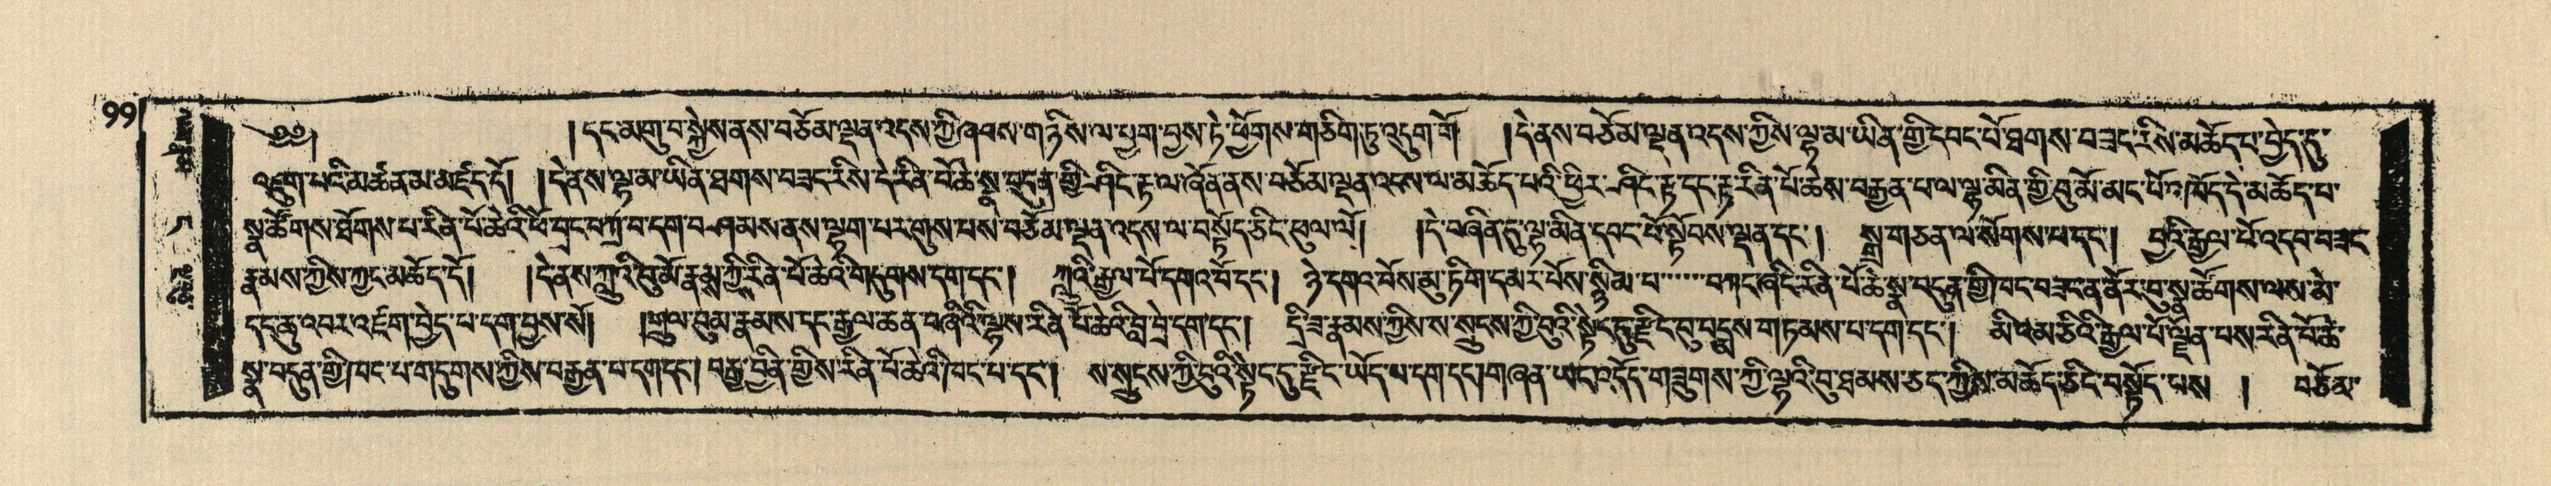༄༅། །དང་མགུ་བ་སྐྱེས་ནས་བཅོམ་ལྡན་འདས་ཀྱི་ཞབས་གཉིས་ལ་ཕྱག་བྱས་ཏེ་ཕྱོགས་གཅིག་ཏུ་འདུག་གོ། །དེ་ནས་བཅོམ་ལྡན་འདས་ཀྱིས་ལྷ་མ་ཡིན་གྱི་དབང་པོ་ཐགས་བཟང་རིས་མཆོད་པ་བྱེད་དུ་
འཇུག་པའི་མཚན་མ་མཛད་དོ། །དེ་ནས་ལྷ་མ་ཡིན་ཐགས་བཟང་རིས་དེ་རིན་པོ་ཆེ་སྣ་བདུན་གྱི་ཤིང་རྟ་ལ་ཞོན་ནས་བཅོམ་ལྡན་འདས་ལ་མཆོད་པའི་ཕྱིར་ཤིང་རྟ་དང་རྟ་རིན་པོ་ཆེས་བརྒྱན་པ་ལ་ལྷ་མིན་གྱི་བུ་མོ་མང་པོ་འཁོར་དེ་མཆོད་པ་
སྣ་ཚོགས་ཐོགས་པ་རིན་པོ་ཆེའི་ཕོ་བྲང་བཀྲ་བདག་བཤམས་ནས་ལྷག་པར་གུས་པས་བཅོམ་ལྡན་འདས་ལ་བསྟོད་ཅིང་ཕུལ་ལོ། །དེ་བཞིན་དུ་ལྷ་མིན་དབང་པོ་སྟོབས་ལྡན་དང་། སྒྲ་གཅན་ལ་སོགས་པ་དང་། བྱའི་རྒྱལ་པོ་འདབ་བཟང་
རྣམས་ཀྱིས་ཀྱང་མཆོད་དོ། །དེ་ནས་ཀླུའི་བུ་མོ་རྣམས་ཀྱིས་རིན་པོ་ཆེའི་གདུགས་དག་དང་། ཀླུའི་རྒྱལ་པོ་དགའ་བོ་དང་། ཉེ་དགའ་བོས་མུ་ཏིག་དམར་པོས་སྙིམ་པ་བཀང་ཞིང་རིན་པོ་ཆེ་སྣ་བདུན་གྱི་ཁང་བཟང་ན་ནོར་བུ་སྣ་ཚོགས་ལས་མེ་
དང་ཆུ་འབར་འཛག་བྱེད་པ་དག་བྱས་སོ། །གྲུལ་བུམ་རྣམས་དང་རྒྱལ་ཆན་བཞིའི་ལྷས་རིན་པོ་ཆེའི་བླ་བྲེ་དག་དང་། དྲི་ཟ་རྣམས་ཀྱིས་ས་སྲུངས་ཀྱི་བུའི་སྟེང་དུ་རྫིང་བུ་པདམས་གཏམས་པ་དག་དང་། མིའམ་ཅིའི་རྒྱལ་པོ་ལྗོན་པས་རིན་པོ་ཆེ་
སྣ་བདུན་གྱི་ཁང་པ་གདུགས་ཀྱིས་བརྒྱན་པ་དག་དང་། བརྒྱ་བྱིན་གྱིས་རིན་པོ་ཆེའི་ཁང་པ་དང་། ས་སྲུངས་ཀྱི་བུའི་སྟེང་དུ་རྫིང་ཡོད་པ་དག་དང་། གཞན་ཡང་འདོད་གཟུགས་ཀྱི་ལྷའི་བུ་ཐམས་ཅད་ཀྱིས་མཆོད་ཅིང་བསྟོད་པས། བཅོམ་